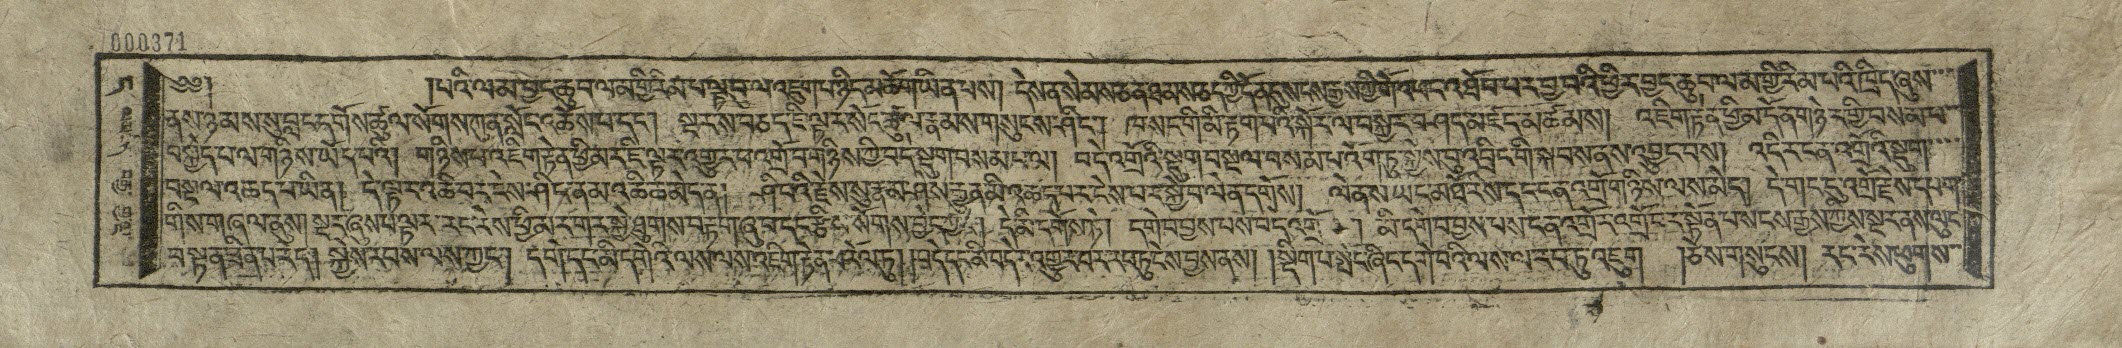༄༅། །པའི་ལམ་བྱང་ཆུབ་ལམ་གྱི་རིམ་པ་ལྟ་བུ་ལ་འཇུག་པ་ཉིད་མཆོག་ཡིན་པས། དེས་ན་སེམས་ཅད་ཐམས་ཅད་ཀྱི་དོན་དུ་སངས་རྒྱས་ཀྱི་གོ་འཕང་འཐོབ་པར་བྱ་བའི་ཕྱིར་བྱང་ཆུབ་ལམ་གྱི་རིམ་པའི་ཁྲིད་ཞུས་
ནས་ཉམས་སུ་བླང་དོགས་ཚུལ་སོགས་ཀུན་སློང་འཆོས་པ་དང་། སྔར་ས་བཅད་ཇི་ལྟར་སོང་ཚུལ་རྣམས་གསུངས་ཤིང་། ཁ་སང་གི་མི་རྟག་པའི་སྐོར་ལ་བསྐྱར་བཤད་མཛད་མཚམས། འཇིག་རྟེན་ཕྱི་མ་དོན་གཉེར་གྱི་བསམ་པ་
བསྐྱེད་པ་ལ་གཉིས་ཡོད་པའི། གཉིས་པ་འཇིག་རྟེན་ཕྱི་མར་ཇི་ལྟར་འགྱུར་བ་འགྲོ་བ་གཉིས་ཀྱི་བདེ་སྡུག་བསམ་པ་ལ། བདེ་འགྲོའི་སྡུག་བསྔལ་བསམ་པ་འོག་ཏུ་སྐྱེས་བུ་འབྲིང་གི་སྐབས་ནས་འབྱུང་བས། འདིར་ངན་འགྲོའི་སྡུག་
བསྔལ་འཆད་པ་ཡིན། དེ་ལྟར་འཆི་བར་ངེས་ཤིག་ནམ་འཆི་ཆ་མེད་ན། ཤི་བའི་རྗེས་སུ་རྣམ་ཤེས་རྒྱུན་མི་འཆད་པར་ངེས་པར་སྐྱེ་བ་ལེན་དགོས། ལེན་ས་ཡང་མཐོ་རིས་དང་ངན་འགྲོ་གཉིས་ལས་མེད། དེ་གང་དུ་འགྲོ་རྗེས་དཔག་
གིས་གཞལ་ནུས། སྔར་ཞུས་པ་ལྟར་རང་རེས་ཕྱི་མར་གར་སྐྱེ་ཐུགས་བརྟག་ཞུ་བ་དང་རྩིས་སོགས་བྱེད་ཀྱང་། དེ་མི་དགོས་ཏེ། དགེ་བ་བྱས་པས་བདེ་འགྲོ་དང་། མི་དགེ་བ་བྱས་པས་ངན་འགྲོར་འགྲོ་བར་སྟོན་པ་སངས་རྒྱས་ཀྱིས་སྔར་ནས་ལུང་
བསྟན་ཟིན་པ་རེད། སྐྱེས་རབས་ལས་ཀྱང་། དགེ་དང་མི་དགེའི་ལས་ལས་འཇིག་རྟེན་ཕ་རོལ་ཏུ། །བདེ་དང་མི་བདེར་འགྱུར་བར་རབ་ཏུ་ངེས་བྱས་ནས། །སྡིག་པ་སྤོང་ཞིང་དགེ་བའི་ལས་ལ་རབ་ཏུ་འཇུག །ཅེས་གསུངས། རང་རེས་ཕུགས་